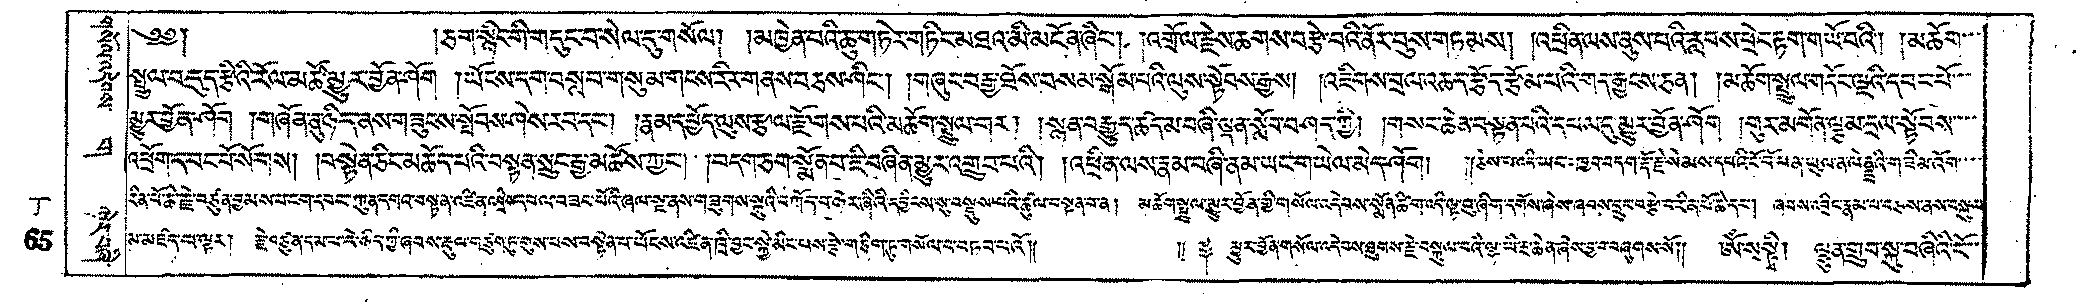༄༅། །ཅག་སྙིང་གི་གདུང་བ་སེལ་དུ་གསོལ། །མཁྱེན་པའི་ཆུ་གཏེར་གཏིང་མཐའ་མི་མངོན་ཞིང་། །འགྲོ་ལ་རྗེས་ཆགས་བརྩེ་བའི་ནོར་བུས་གཏམས། །འཕྲིན་ལས་ནུས་པའི་རླབས་ཕྲེང་རྟག་གཡོ་བའི། །མཆོག་་་
སྤྲུལ་བདུད་རྩིའི་རོལ་མཚོ་མྱུར་བྱོན་ཤོག །ཡོངས་དག་བསླབ་གསུམ་གངས་རིར་གནས་བཅས་ཤིང་། །གཞུང་བརྒྱ་ཐོས་བསམ་སྒོམ་པའི་ལུས་སྟོབས་རྒྱས། །འཇིགས་བྲལ་འཆད་རྩོད་རྩོམ་པའི་གད་རྒྱངས་ཅན། །མཆོག་སྤྲུལ་གདོང་ལྔའི་དབང་པོ་་་
མྱུར་བྱོན་ཤོག །གཞོན་ནུ་ཉིད་ནས་གཟུངས་སྤོབས་ཤེས་རབ་དང་། །རྣམ་དཔྱོད་ལུས་རྩལ་རྫོགས་པའི་མཆོག་སྤྲུལ་གར། །སྙན་བརྒྱུད་ཚད་མ་བཞི་ལྡན་སློབ་བཤད་ཀྱི། །གསང་ཆེན་བསྟན་པའི་དཔལ་དུ་མྱུར་བྱོན་ཤོག །གུར་མགོན་ལྕམ་དྲལ་སྟོབས་་་
འཕྲོག་དབང་པོ་སོགས། །བསྟེན་ཅིང་མཆོད་པའི་བསྟན་སྲུང་རྒྱ་མཚོས་ཀྱང་། །བདག་ཅག་སྨོན་པ་ཇི་བཞིན་མྱུར་འགྲུབ་པའི། །འཕྲིན་ལས་རྣམ་བཞི་ནམ་ཡང་གཡེལ་མེད་ཤོག། །།ཅེས་པ་འདི་ཡང་ཁྱབ་བདག་རྡོ་རྗེ་སེམས་དཔའི་ངོ་བོ་ཕན་ཡུལ་ན་ལེནྡྲའི་གཟིམ་འོག་་་
རིན་པོ་ཆེ་རྗེ་བཙུན་བྱམས་པ་ངག་དབང་ཀུན་དགའ་བསྟན་འཛིན་འཕྲིས་དཔལ་བཟང་པོའི་ཞལ་སྔ་ནས་གཟུགས་སྐུའི་བཀོད་པ་ཉེར་ཞིའི་དབྱིངས་སུ་བསྡུས་པའི་ཚུལ་བསྟན་པ་ན། མཆོག་སྤྲུལ་མྱུར་བྱོན་གྱི་གསོལ་འདེབས་སྨོན་ཚིག་འདི་ལྟ་བུ་ཞིག་དགོས་ཞེས་ཞབས་དྲུང་བརྩེ་བ་རིན་པོ་ཆེ་དང་། ཞབས་འབྲིང་རྣམ་པ་བཅས་ནས་བསྐུལ་
མ་མཛད་པ་ལྟར། རྗེ་བཙུན་དམ་པ་དེ་ཉིད་ཀྱི་ཞབས་རྡུལ་གཙུག་ཏུ་གུས་པས་བསྟེན་པ་ཡོངས་འཛིན་ཁྲི་བྱང་སྐྱེ་མིང་པས་རྩེ་གཅིག་ཏུ་གསོལ་བ་བཏབ་པའོ།། །། འ་མྱུར་བྱོན་གསོལ་འདེབས་ཐུགས་རྗེ་བསྐུལ་བའི་ལྷ་ཡི་རྔ་ཆེན་ཞེས་བྱ་བ་བཞུགས་སོ།། ཨོཾ་སྭསྟྭི། ལྷུན་གྲུབ་སྐུ་བཞིའི་ངོ་་་